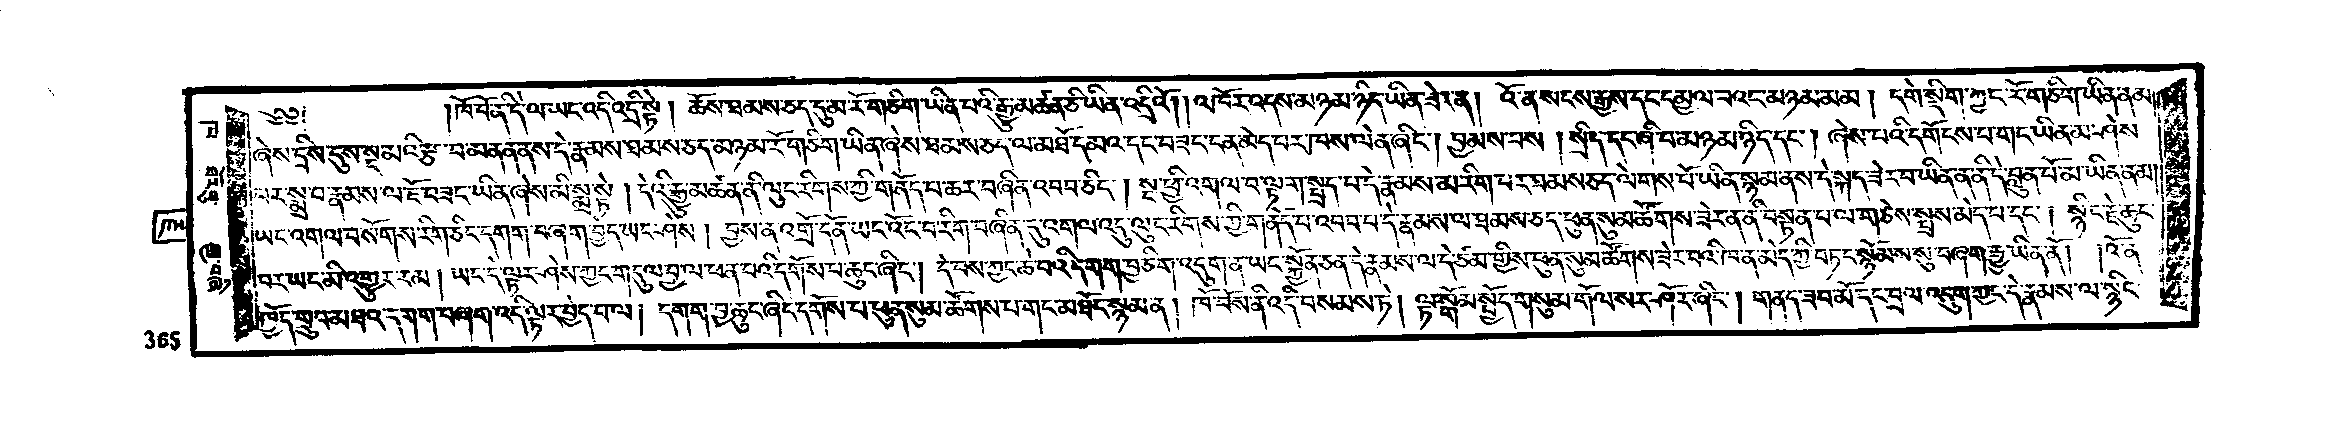༄༅། །ཁོ་བོ་ནི་དེ་ལ་ཡང་འདི་འདྲི་སྟེ། ཆོས་ཐམས་ཅད་དུ་མ་རོ་གཅིག་ཡིན་པའི་རྒྱུ་མཚན་ཅི་ཡིན་འདྲིའོ། །འཁོར་འདས་མཉམ་ཉིད་ཡིན་ཟེར་ན། འོ་ན་སངས་རྒྱས་དང་དམྱལ་བའང་མཉམ་མམ། དགེ་སྡིག་ཀྱང་རོ་གཅིག་ཡིན་ནམ།
ཞེས་དྲིས་དུས་སྔ་མའི་རྩ་བ་མནན་ནས་དེ་རྣམས་ཐམས་ཅད་མཉམ་རོ་གཅིག་ཡིན་ཞེས་ཐམས་ཅད་ལ་མཐོ་དམའ་དང་བཟང་ངན་མེད་པར་ཁས་ལེན་ཞིང་། བྱམས་པས། སྲིད་དང་ཞི་བ་མཉམ་ཉིད་དང་། ཞེས་པའི་དགོངས་པ་གང་ཡིན་མ་ཤེས་
པར་སྨྲ་བ་རྣམས་ལ་ཇོ་བཟང་ཡིན་ཞེས་མི་སྨྲ་སྟེ། དེའི་རྒྱུ་མཚན་ནི་ལུང་རིགས་ཀྱི་གནོད་པ་ཆར་བཞིན་འབབ་ཅིང་། སྔ་ཕྱི་འགལ་བ་ལྟག་སྤྲད་པ་དེ་རྣམས་མ་རིག་པར་ཐམས་ཅད་ལེགས་པོ་ཡིན་སྙམ་ནས་དེ་སྐད་ཟེར་བ་ཡིན་ན་ནི་དེ་བླུན་པོ་མ་ཡིན་ནམ།
ཡང་འགལ་བ་སོགས་རིག་ཅིང་དགག་བཞག་བྱེད་ཡང་ཤེས། བྱས་ན་འགྲོ་དོན་ཡང་འོང་བ་རིག་བཞིན་དུ་འགལ་འདུ་ལུང་རིགས་ཀྱི་གནོད་པ་འབབ་པ་དེ་རྣམས་ལ་ཐམས་ཅད་ཕུན་སུམ་ཚོགས་ཟེར་ན་ནི་བསྟན་པ་ལ་གཅེས་སྤྲས་མེད་པ་དང་། སྙིང་རྗེ་ཆུང་
བར་ཡང་མི་འགྱུར་རམ། ཡང་དེ་ལྟར་ཤེས་ཀྱང་གདུལ་བྱ་ལ་ཕན་པའི་དགོས་པ་ཆུང་ཞིང་། དེ་བས་ཀྱང་ཆེ་བའི་དགག་བྱ་ཅིག་འདུག་ན་ཡང་སྐྱོན་ཅན་དེ་རྣམས་ལ་དེ་ཙམ་གྱིས་ཕུན་སུམ་ཚོགས་ཟེར་བའི་ཁ་ན་མེད་ཀྱི་བཏང་སྙོམས་སུ་བཞག་རྒྱུ་ཡིན་ནོ། །འོ་ན་
ཁྱོད་གྲུབ་མཐའ་དགག་བཞག་འདི་ལྟར་བྱེད་པ་ལ། དགག་བྱ་ཆུང་ཞིང་དགོས་པ་ཕུན་སུམ་ཚོགས་པ་གང་མཐོང་སྙམ་ན། ཁོ་བོས་ནི་འདི་བསམས་ཏེ། ལྟ་སྒོམ་སྤྱོད་གསུམ་གོལ་སར་ཤོར་ཞིང་། གནད་ཟབ་མོ་དང་བྲལ་འདུག་ཀྱང་དེ་རྣམས་ལ་སྙིང་